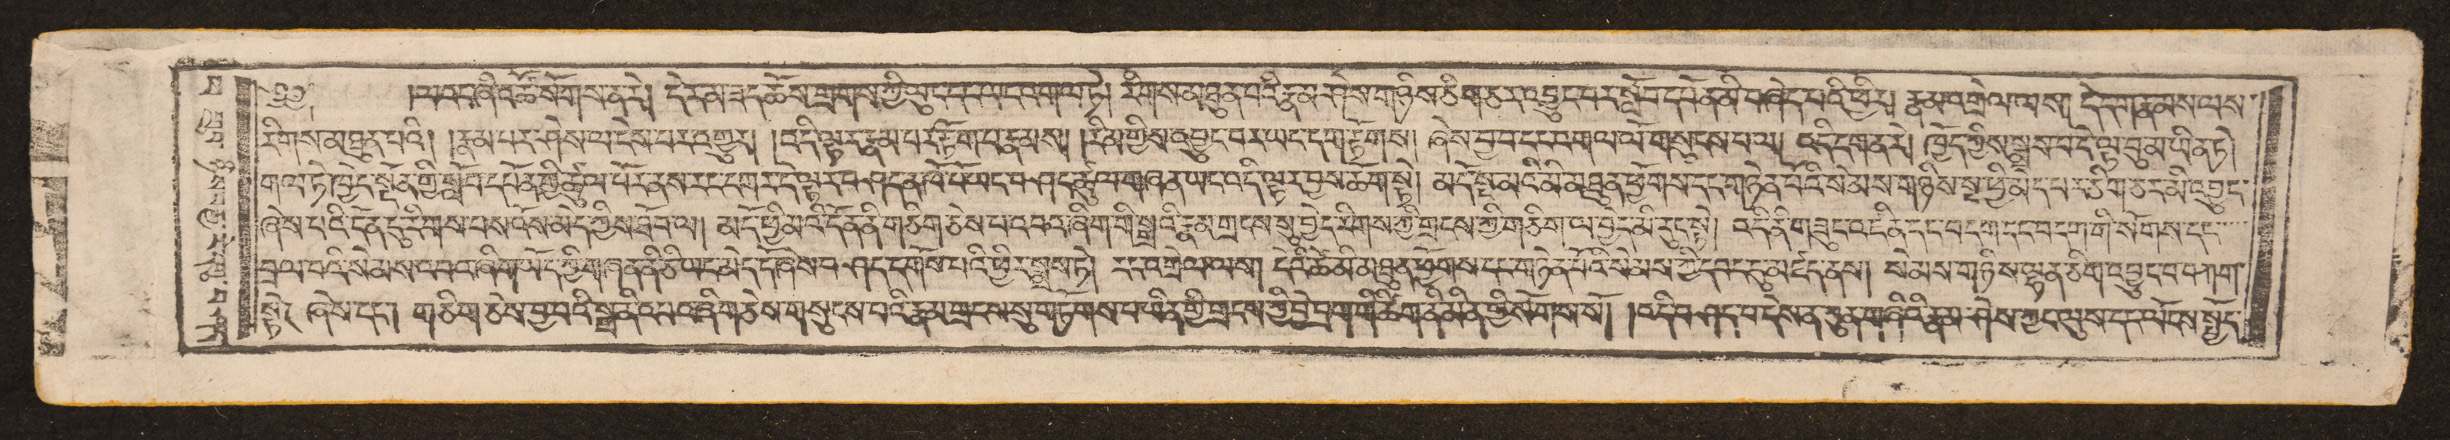༄༅། །ལའང་ཞི་འཚོ་སོགས་ན་རེ། དེར་མ་ཟད་ཆོས་གྲགས་ཀྱི་ལུང་དང་ཡང་འགལ་ཏེ། རིགས་མཐུན་པའི་རྣམ་ཤེས་གཉིས་ཅིག་ཅར་འབྱུང་བར་སློབ་དཔོན་མི་བཞེད་པའི་ཕྱིར། རྣམ་འགྲེལ་ལས། དེ་དག་རྣམས་ལས་
རིགས་མཐུན་པའི། །རྣམ་པར་ཤེས་ལ་ངེས་པར་འགྱུར། །འདི་ལྟར་རྣམ་པར་རྟོག་པ་རྣམས། །རིམ་གྱིས་འབྱུང་བར་ཡང་དག་རྟོགས། ཞེས་བྱ་བ་དང་འགལ་ལོ་གསུངས་པ་ལ། འདི་དག་ན་རེ། ཁྱོད་ཀྱིས་སྨྲས་པ་དེ་ལྟ་བུ་མ་ཡིན་ཏེ།
གལ་ཏེ་ཁྱེད་སྔོན་གྱི་སློབ་དཔོན་གྱི་ཚུལ་པོར་ནས་རང་དགར་དེ་ལྟར་བཤད་ན་ཁོ་པོ་ཡང་བཤད་ཚུལ་གཞན་ཡང་འདི་ལྟར་བྱས་ཆོག་སྟེ། མདོ་སྔ་མའི་མི་མཐུན་ཕྱོགས་དང་གཉེན་པོའི་སེམས་གཉིས་སྔ་ཕྱི་མེད་པར་ཅིག་ཅར་མི་འབྱུང་
ཞེས་པའི་དོན་དུ་རིགས་པས་འོས་མེད་ཀྱིས་ཐོབ་ལ། མདོ་ཕྱི་མའི་དོན་ནི་གཅིག་ཅེས་པ་འབའ་ཞིག་གི་སྒྲའི་རྣམ་གྲངས་སུ་བྱེད་རིགས་ཀྱི་གྲངས་ཀྱི་གཅིག་ལ་བྱེད་མི་རུང་སྟེ། འདི་ནི་གཟུང་འཛིན་དང་བདག་དང་བདག་གི་སོགས་དང་
བྲལ་བའི་སེམས་འབའ་ཞིག་ཡོད་ཀྱི་གཞན་ནི་ཅི་ཡང་མེད་དོ་ཞེས་བཤད་དགོས་པའི་ཕྱིར་སྨྲས་ཏེ། རང་འགྲེལ་ལས། དེའི་ཚེ་མི་མཐུན་ཕྱོགས་དང་གཉེན་པོའི་སེམས་ཀྱི་དབང་དུ་མཛད་ནས། སེམས་གཉིས་ལྷན་ཅིག་འབྱུང་བ་བཀག་
སྟེ༑ ཞེས་དང་། གཅིག་ཅེས་བྱ་བའི་སྒ་ནི་འབའ་ཞིག་ཅེས་གསུངས་པའི་རྣམ་གྲངས་སུ་གཏོགས་པ་ཡིན་གྱི་གྲངས་ཀྱི་བྱེ་བྲག་གི་ཚིག་ནི་མིན་གྱི་སོགས་སོ། །འདི་བཤད་པ་དེས་ན་ཀུན་གཞིའི་རྣམ་ཤེས་ཀྱང་ལུས་དང་ལོངས་སྤྱོད་